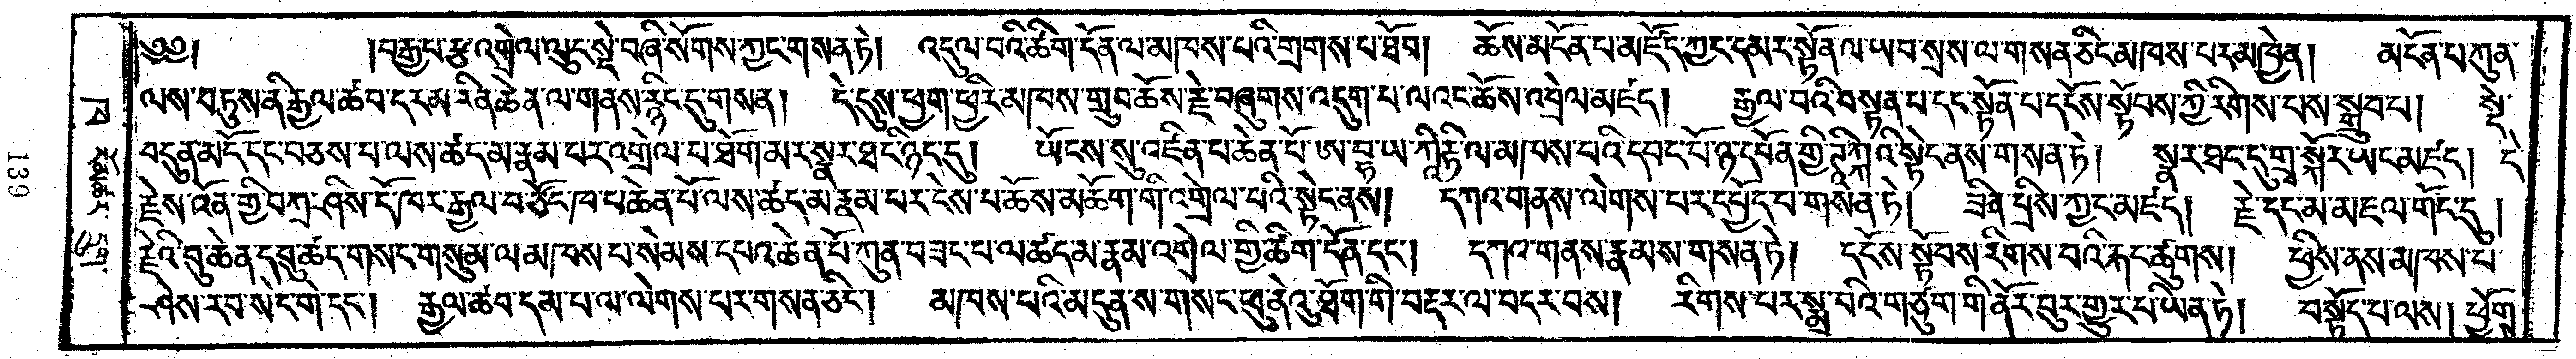༄༅། །བརྒྱ་པ་རྩ་འགྲེལ་ལུང་སྡེ་བཞི་སོགས་ཀྱང་གསན་ཏེ། འདུལ་བའི་ཚིག་དོན་ལ་མཁས་པའི་གྲགས་པ་ཐོབ། ཆོས་མངོན་པ་མཛོད་ཀྱང་དམར་སྟོན་ལ་ཡབ་སྲས་ལ་གསན་ཅིང་མཁས་པར་མཁྱེན། མངོན་པ་ཀུན་
ལས་བཏུས་ནི་རྒྱལ་ཚབ་དར་མ་རིན་ཆེན་ལ་གནས་རྙིང་དུ་གསན། དེ་དུས་ཕྱག་ཕྱིར་མཁས་གྲུབ་ཆོས་རྗེ་བཞུགས་འདུག་པ་ལའང་ཆོས་འབྲེལ་མཛད། རྒྱལ་བའི་བསྟན་པ་དང་སྟོན་པ་དངོས་སྟོབས་ཀྱི་རིགས་པས་སྒྲུབ་པ། སྡེ་
བདུན་མདོ་དང་བཅས་པ་ལས་ཚད་མ་རྣམ་པར་འགྲེལ་པ་ཐོག་མར་སྣར་ཐང་ཉིད་དུ། ཡོངས་སུ་འཛིན་པ་ཆེན་པོ་ཨ་བྷ་ཡ་ཀཱིརྟི་ལ་མཁས་པའི་དབང་པོ་ཉ་དཔོན་གྱི་ཊཱིཀྐའི་སྟེང་ནས་གསན་ཏེ། སྣར་ཐང་དུ་གྲྭ་སྐོར་ཡང་མཛད། དེ་
རྗེས་འོན་གྱི་བཀྲ་ཤིས་དོ་ཁར་རྒྱལ་བ་ཙོང་ཁ་པ་ཆེན་པོ་ལས་ཚད་མ་རྣམ་པར་ངེས་པ་ཆོས་མཆོག་གི་འགྲེལ་པའི་སྟེང་ནས། དཀའ་གནས་ལེགས་པར་དཔྱོད་པ་གསན་ཏེ། ཟིན་བྲིས་ཀྱང་མཛད། རྗེ་དང་མ་མཇལ་གོང་དུ་།
རྗེའི་བུ་ཆེན་དབུ་ཚད་གསང་གསུམ་ལ་མཁས་པ་སེམས་དཔའ་ཆེན་པོ་ཀུན་བཟང་པ་ལ་ཚད་མ་རྣམ་འགྲེལ་གྱི་ཚིག་དོན་དང་། དཀའ་གནས་རྣམས་གསན་ཏེ། དངོས་སྟོབས་རིགས་བའི་རྐང་ཚུགས། ཕྱིས་ནས་མཁས་པ་
ཤེས་རབ་སེང་གེ་དང་། རྒྱལ་ཚབ་དམ་པ་ལ་ལེགས་པར་གསན་ཅིང་། མཁས་པའི་མདུན་ས་གསང་ཕུ་ནེའུ་ཐོག་གི་བརྡར་ལ་བདར་བས། རིགས་པར་སྨྲ་བའི་གཙུག་གི་ནོར་བུར་གྱུར་པ་ཡིན་ཏེ། བསྟོད་པ་ལས། ཕྱོགས་